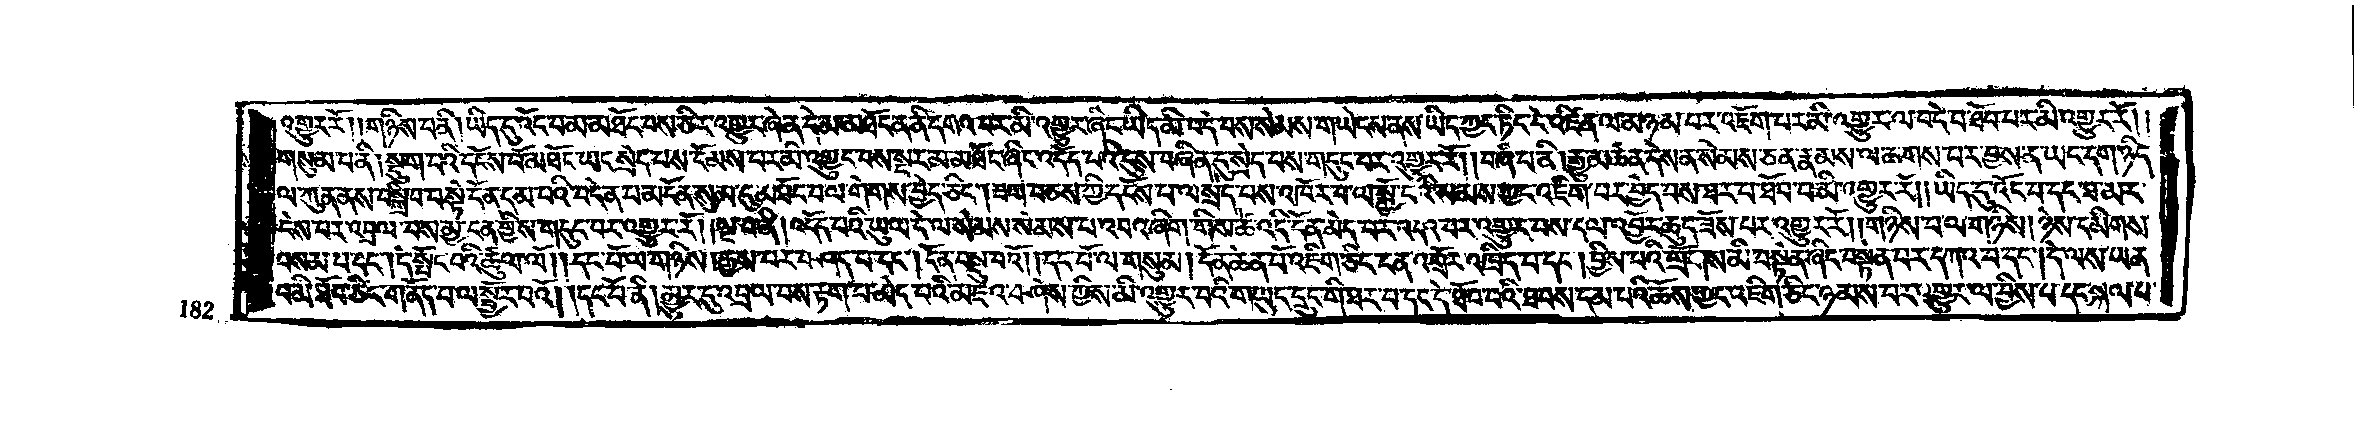འགྱུར་རོ། །གཉིས་པ་ནི། ཡིད་དུ་འོང་བ་མ་མཐོང་བས་ཅིར་འགྱུར་ཞེ་ན་དེ་མ་མཐོང་ན་ནི་དགའ་བར་མི་འགྱུར་ཞིང་ཡིད་མི་བདེ་བས་སེམས་གཡེངས་ནས་ཡིད་ཀྱང་ཏིང་ངེ་འཛིན་ལ་མཉམ་པར་འཇོག་པར་མི་འགྱུར་ལ་བདེ་བ་ཐོབ་པར་མི་འགྱུར་རོ། །
གསུམ་པ་ནི། སྡུག་པའི་དངོས་པོ་མཐོང་ཡང་སྲེད་པས་ངོམས་པར་མི་འགྱུར་བས་སྔར་མ་མཐོང་ཞིང་འདོད་པའི་དུས་བཞིན་དུ་སྲེད་པས་གསུང་བར་འགྱུར་རོ། །བཞི་པ་ནི། རྒྱུ་མཚན་དེས་ན་སེམས་ཅན་རྣམས་ལ་ཆགས་པར་བྱས་ན་ཡང་དག་ཉིད་
ལ་ཀུན་ནས་བསྒྲིབ་པ་སྟེ་དོན་དམ་པའི་བདེ་པ་མངོན་སུམ་དུ་མཐོང་བ་ལ་གེགས་བྱེད་ཅིང་། ཟག་བཅས་ཀྱི་དངོས་པ་ལ་སྲེད་པས་འཁོར་བ་ལ་སྐྱོ་བའི་སེམས་ཀྱང་འཇིག་པར་བྱེད་པས་ཐར་པ་ཐོབ་པ་མི་འགྱུར་རོ། །ཡིད་དུ་འོང་བ་དང་ཐ་མར་
ངེས་པར་འབྲལ་བས་མྱ་ངན་གྱིས་གདུང་བར་འགྱུར་རོ། །ལྔ་པ་ནི། འདོད་པའི་ཡུལ་དེ་ལ་སེམས་སེམས་པ་འབའ་ཞིག་གིས་ཚེ་འདི་དོན་མེད་པར་འདའ་བར་འགྱུར་བས་དལ་འབྱོར་ཆུད་ཟོས་པར་འགྱུར་རོ། །གཉིས་པ་ལ་གཉིས། ཉེས་དམིགས་
བསམ་པ་དང་། དེ་སྤོང་བའི་ཚུལ་ལོ། །དང་པོ་ལ་གཉིས། རྒྱས་པར་བཤད་པ་དང་། དོན་བསྡུ་བའོ། །དང་པོ་ལ་གསུམ། དོན་ཆེན་པོ་འཇིག་ཅིང་ངན་འགྲོར་འཁྲིད་པ་དང་། བྱིས་པའི་གྲོགས་མི་བསྟེན་ཞིང་བསྟེན་པར་དཀའ་བ་དང་། དེ་ལས་ཡན་
བ་མི་ཐོབ་ཅིང་གནོད་པ་ལ་སྦྱོར་བའོ། །དང་པོ་ནི། མྱུར་དུ་འབྲལ་བས་རྟག་པ་མེད་པའི་མཛའ་བཤེས་ཀྱིས་མི་འགྱུར་བའི་གཡུང་དྲུང་གི་ཐར་པ་དང་དེ་ཐོབ་པའི་ཐབས་དམ་པའི་ཆོས་ཀྱང་འཇིག་ཅིང་ཉམས་པར་འགྱུར་ལ་བྱིས་པ་དང་སྐལ་པ་